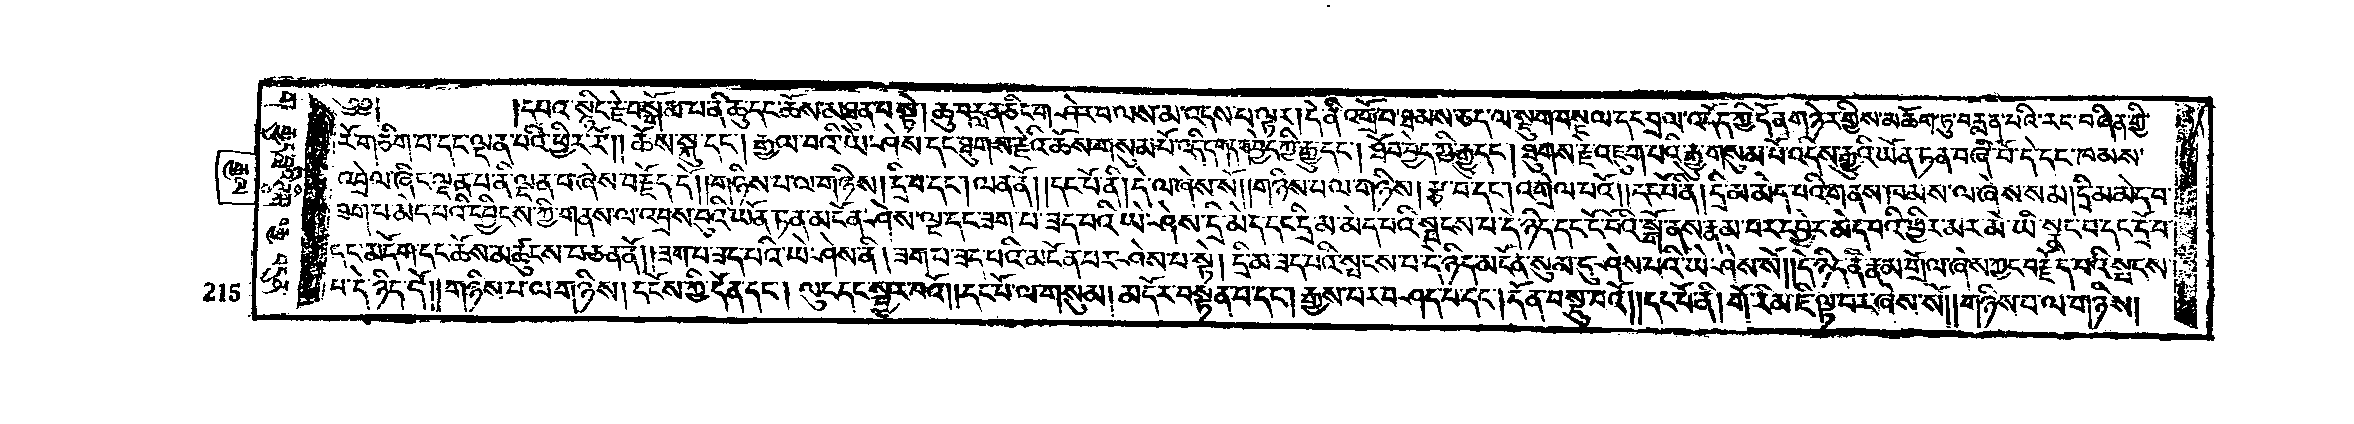༄༅། །དཔའ་སྙིང་རྗེ་བསྒོམ་པ་ནི་ཆུ་དང་ཆོས་མཐུན་པ་སྟེ། ཆུ་བརླན་ཅིང་གཤེར་པ་ལས་མ་འདས་པ་ལྟར། དེ་ནི་འགྲོ་བ་ཐམས་ཅད་ལ་སྡུག་བསྔལ་དང་བྲལ་འདོད་ཀྱི་དོན་གཉེར་གྱིས་མཆོག་ཏུ་བརླན་པའི་རང་བཞིན་གྱི་
རོ་གཅིག་པ་དང་ལྡན་པའི་ཕྱིར་རོ། །ཆོས་སྐུ་དང་། རྒྱལ་བའི་ཡེ་ཤེས་དང་ཐུགས་རྗེའི་ཆོས་གསུམ་པོ་འདི་དག་དག་བྱེད་ཀྱི་རྒྱུ་དང་། ཐོབ་བྱེད་ཀྱི་རྒྱུ་དང་། ཐུགས་རྗེ་འཇུག་པའི་རྒྱུ་གསུམ་པོ་འདིས་རྒྱུའི་ཡོན་ཏན་བཞི་པོ་དེ་དང་ཁམས་
འབྲེལ་ཞིང་ལྡན་པ་ནི་ལྡན་པ་ཞེས་བརྗོད་དེ། གཉིས་པ་ལ་གཉིས། དྲི་བ་དང་། ལན་ནོ། །དང་པོ་ནི། དེ་ལ་ཞེས་སོ། །གཉིས་པ་ལ་གཉིས། རྩ་བ་དང་། འགྲེལ་པའོ། །དང་པོ་ནི། དྲི་མ་མེད་པའི་གནས་ཁམས་ལ་ཞེས་སམ། དྲི་མ་མེད་པ་
ཟག་པ་མེད་པའི་དབྱིངས་ཀྱི་གནས་ལ་འབྲས་བུའི་ཡོན་ཏན་མངོན་ཤེས་ལྔ་དང་ཟག་པ་ཟད་པའི་ཡེ་ཤེས་དྲི་མེད་དང་དྲི་མ་མེད་པའི་སྤངས་པ་དེ་ཉིད་དང་ངོ་བོའི་སྒོ་ནས་རྣམ་པར་དབྱེར་མེད་པའི་ཕྱིར་མར་མི་ཡི་སྣང་བ་དང་དྲོ་བ་
དང་མདོག་དང་ཆོས་མཚུངས་པ་ཅན་ནོ། །ཟག་པ་ཟད་པའི་ཡེ་ཤེས་ནི། ཟག་པ་ཟད་པའི་མངོན་པར་ཤེས་པ་སྟེ། དྲི་མ་ཟད་པའི་སྤངས་པ་དེ་ཉིད་མངོན་སུམ་དུ་ཤེས་པའི་ཡེ་ཤེས་སོ། །དེ་ཉིད་ནི་རྣམ་གྲོལ་ཞེས་ཀྱང་བརྗོད་པའི་སྤངས་
པ་དེ་ཉིད་དོ། །གཉིས་པ་ལ་གཉིས། དངོས་ཀྱི་དོན་དང་། ལུང་དང་སྦྱར་བའོ། །དང་པོ་ལ་གསུམ། མདོར་བསྟན་པ་དང་། རྒྱས་པར་བཤད་པ་དང་། དོན་བསྡུ་བའོ། །དང་པོ་ནི། གོ་རིམ་ཇི་ལྟ་བར་ཞེས་སོ། །གཉིས་པ་ལ་གཉིས།